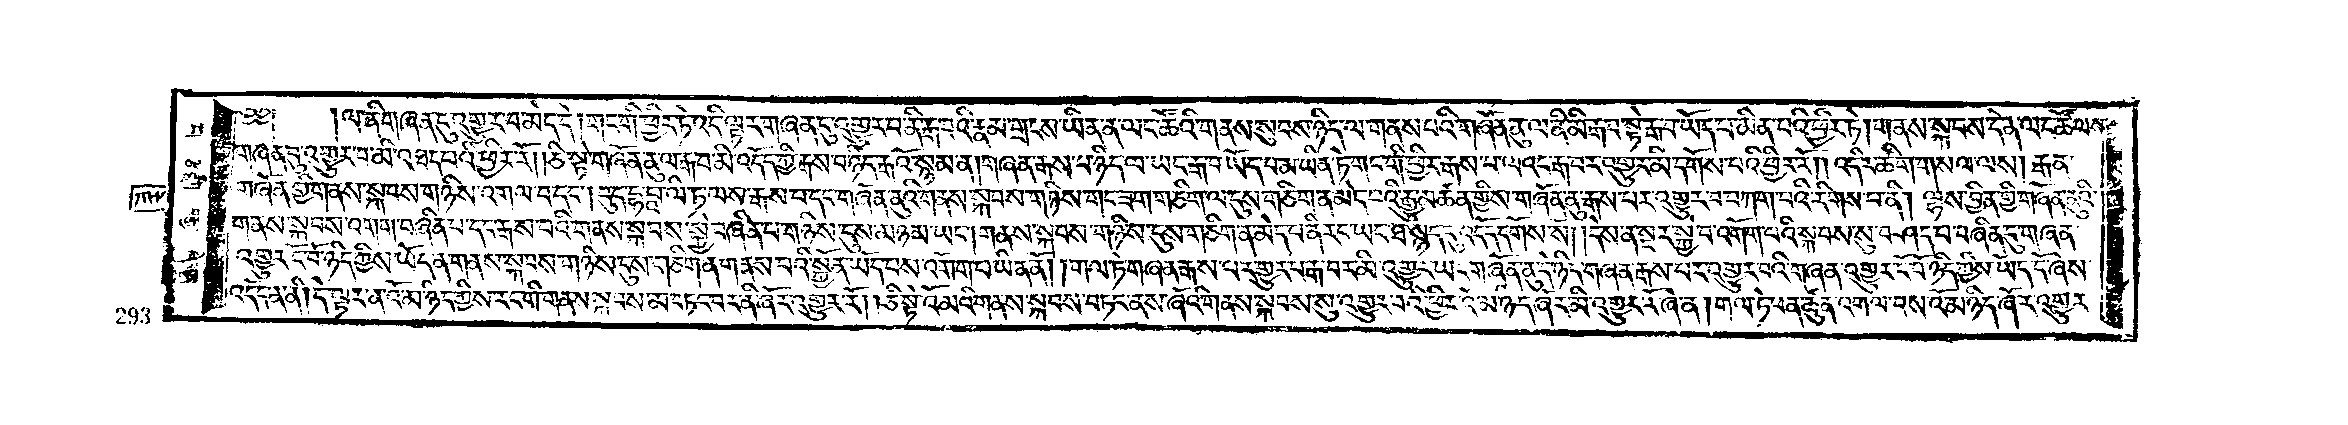༄༅། །ལ་ནི་གཞན་དུ་འགྱུར་བ་མེད་དེ། གང་གི་ཕྱིར་ཏེ་འདི་ལྟར་གཞན་དུ་འགྱུར་བ་ནི་རྒ་བའི་རྣམ་གྲངས་ཡིན་ན་ལང་ཚོའི་གནས་སྐབས་ཉིད་ལ་གནས་པའི་གཞོན་ནུ་ལ་ནི་མི་རྒ་བ་ཡོད་པ་མིན་པའི་ཕྱིར་ཏེ། གནས་སྐབས་དེ་ན་ལང་ཚོ་ལས་
གཞན་བུ་འགྱུར་བ་མི་འཐད་པའི་ཕྱིར་རོ། །ཅི་སྟེ་གཞོན་ནུ་ལ་རྒ་བ་མི་འདོད་ཀྱི་རྒས་བ་ཉིད་རྒའོ་སྙམ་ན། གཞན་རྒས་པ་ཉིད་ལ་ཡང་རྒ་བ་ཡོད་པ་མ་ཡིན་ཏེ་གང་གི་ཕྱིར་རྒས་པ་ལའང་རྒ་བར་འགྱུར་མི་དགོས་པའི་ཕྱིར་རོ། །འདིར་ཚིག་གསལ་ལས། རྒན་
གཞོན་གྱི་གནས་སྐབས་གཉིས་འགལ་བ་དང་། བུད་དྷ་པཱ་ལི་ཏ་ལས་རྒས་པ་དང་གཞོན་ནུའི་གནས་སྐབས་གཉིས་གང་ཟག་གཅིག་ལ་དུས་གཅིག་ན་མེད་པའི་རྒྱུ་མཚན་གྱིས་གཞོན་ནུ་རྒས་པར་འགྱུར་བ་བཀག་པའི་རིགས་པ་ནི། ལྷས་བྱིན་གྱི་གཞོན་ནུའི་
གནས་སྐབས་འགག་བཞིན་པ་དང་རྒས་པའི་གནས་སྐབས་སྐྱེ་བཞིན་པ་གཉིས་དུས་མཉམ་ཡང་། གནས་སྐབས་གཉིས་དུས་གཅིག་ན་མེད་པ་ནི་རང་ཡང་ཐ་སྙད་དུ་འདོད་དགོས་སོ། །དེས་ན་སྔར་སྐྱེ་བ་འགོག་པའི་སྐབས་སུ་བཤད་པ་བཞིན་དུ་གཞན་
འགྱུར་ངོ་བོ་ཉིད་ཀྱིས་ཡོད་ན་གནས་སྐབས་གཉིས་དུས་གཅིག་ན་གནས་པའི་སྐྱོན་ཡོད་པས་འགོག་པ་ཡིན་ནོ། །གལ་ཏེ་གཞན་རྒས་པར་གྱུར་པ་རྒ་བར་མི་འགྱུར་ཡང་གཞོན་ནུ་དེ་ཉིད་གཞན་རྒས་པར་འགྱུར་བའི་གཞན་འགྱུར་ངོ་བོ་ཉིད་ཀྱིས་ཡོད་དོ་ཞེས་
འདོད་ན་ནི། དེ་ལྟར་ན་འོ་མ་ཉིད་ཀྱིས་རང་གི་གནས་སྐབས་མ་བཏང་བར་ནི་ཞོར་འགྱུར་རོ། །ཅི་སྟེ་འོ་མའི་གནས་སྐབས་བཏང་ནས་ཞོའི་གནས་སྐབས་སུ་འགྱུར་བའི་ཕྱིར་འོ་མ་ཉིད་ཞོར་མི་འགྱུར་རོ་ཞེ་ན། གལ་ཏེ་ཕན་ཚུན་འགལ་བས་འོ་མ་ཉིད་ཞོར་འགྱུར་